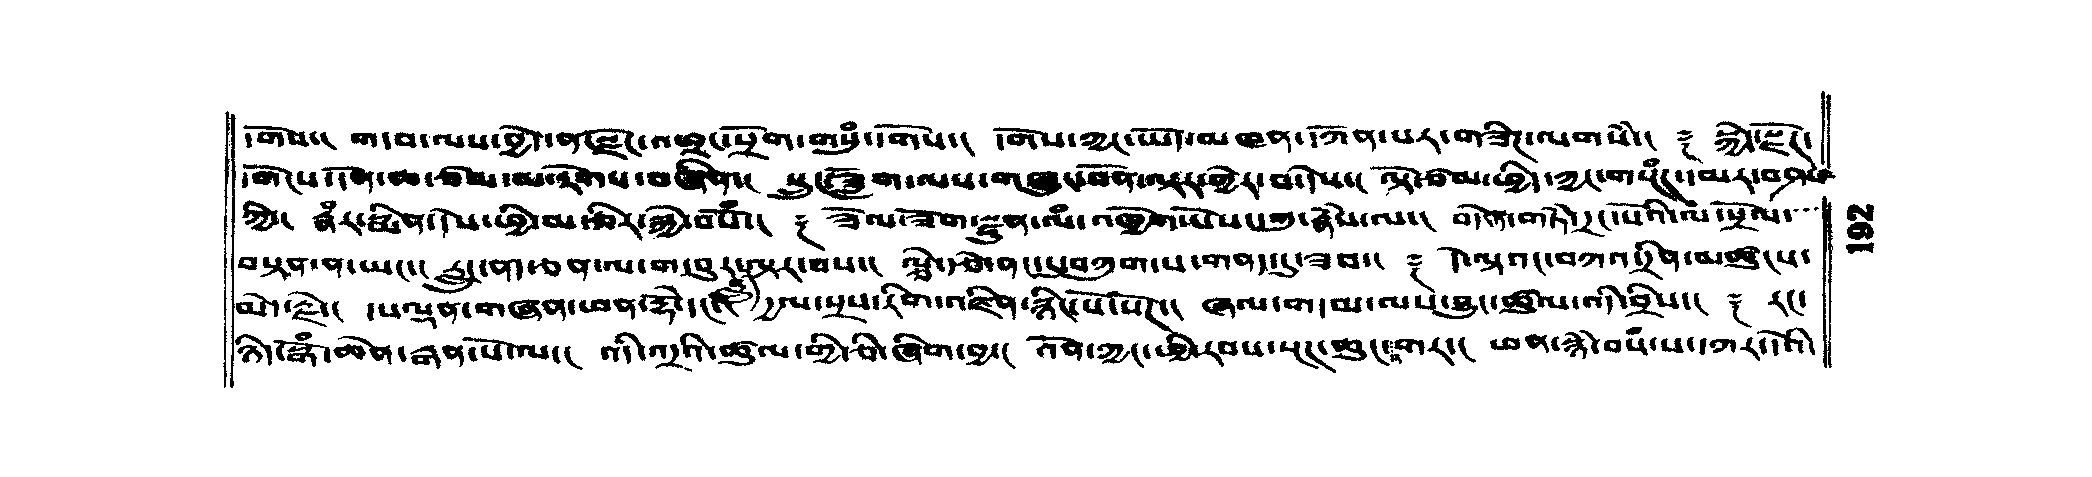དགོས། གདབ་ལས་བྱེད་ན་རྫོང་འཕྲང་སྲོག་གསུམ་དགོས། དགོས་ཀྱང་ཡོད་མཁན་དཀོན་པར་གཟིགས་ལགས་སམ། ༈ བསྐྱེད་རྫོགས་
དགོངས་དོན་ཆ་ཙམ་མ་རྟོགས་བཞིན། །སྲུང་བཟློག་ལས་གཞུང་བོན་ལྟར་གྱེར་བ་དེས། །ལྟོ་ཙམ་ཕྱིས་ཀྱང་གསང་སྔགས་དམར་བཤས་
ཀྱི། །རྣམ་པར་སྨིན་དེས་ཕྱི་མ་ཅིར་སྐྱེ་སོམས། ༈ ཟོལ་ཟོག་རྫུན་ལམ་འཁྱོག་པོས་དགུ་རྣམས་ལ། །བདེན་གཏམ་དྲང་བའི་ལམ་སྲོལ་
བསྟན་ན་ཡང་། །རླུང་ནད་ཅན་ལ་ག་བུར་བླུད་ལྟར་བས། །ལྕེ་རྩེ་ནང་དུ་བཀུག་པ་གནད་དུ་ཟབ། །༈ དེ་ལྟའང་བཀའ་དྲིན་མཚུངས་
མེད་རྗེ། ། དཔལ་ལྡན་གཞན་ཕན་རྡོ་རྗེ་དང་། །རྒྱས་སྲས་རིག་འཛིན་སྙིང་པོ་སོགས། །ཞལ་གདམས་ལས་བྱུང་ཚུལ་འདི་བྲིས། ། ༈ རང་
ཉིད་སྒོམ་ཆེན་རྒན་པོ་ལ། །འདི་འདྲའི་ཚུལ་གྱིས་ཅི་ཞིག་བྱ། །འོན་ཀྱང་ཕྱི་རབས་སྔགས་ཆུང་འགར། །ཕན་སྙམ་བསམ་པ་དཀར་དེའི་